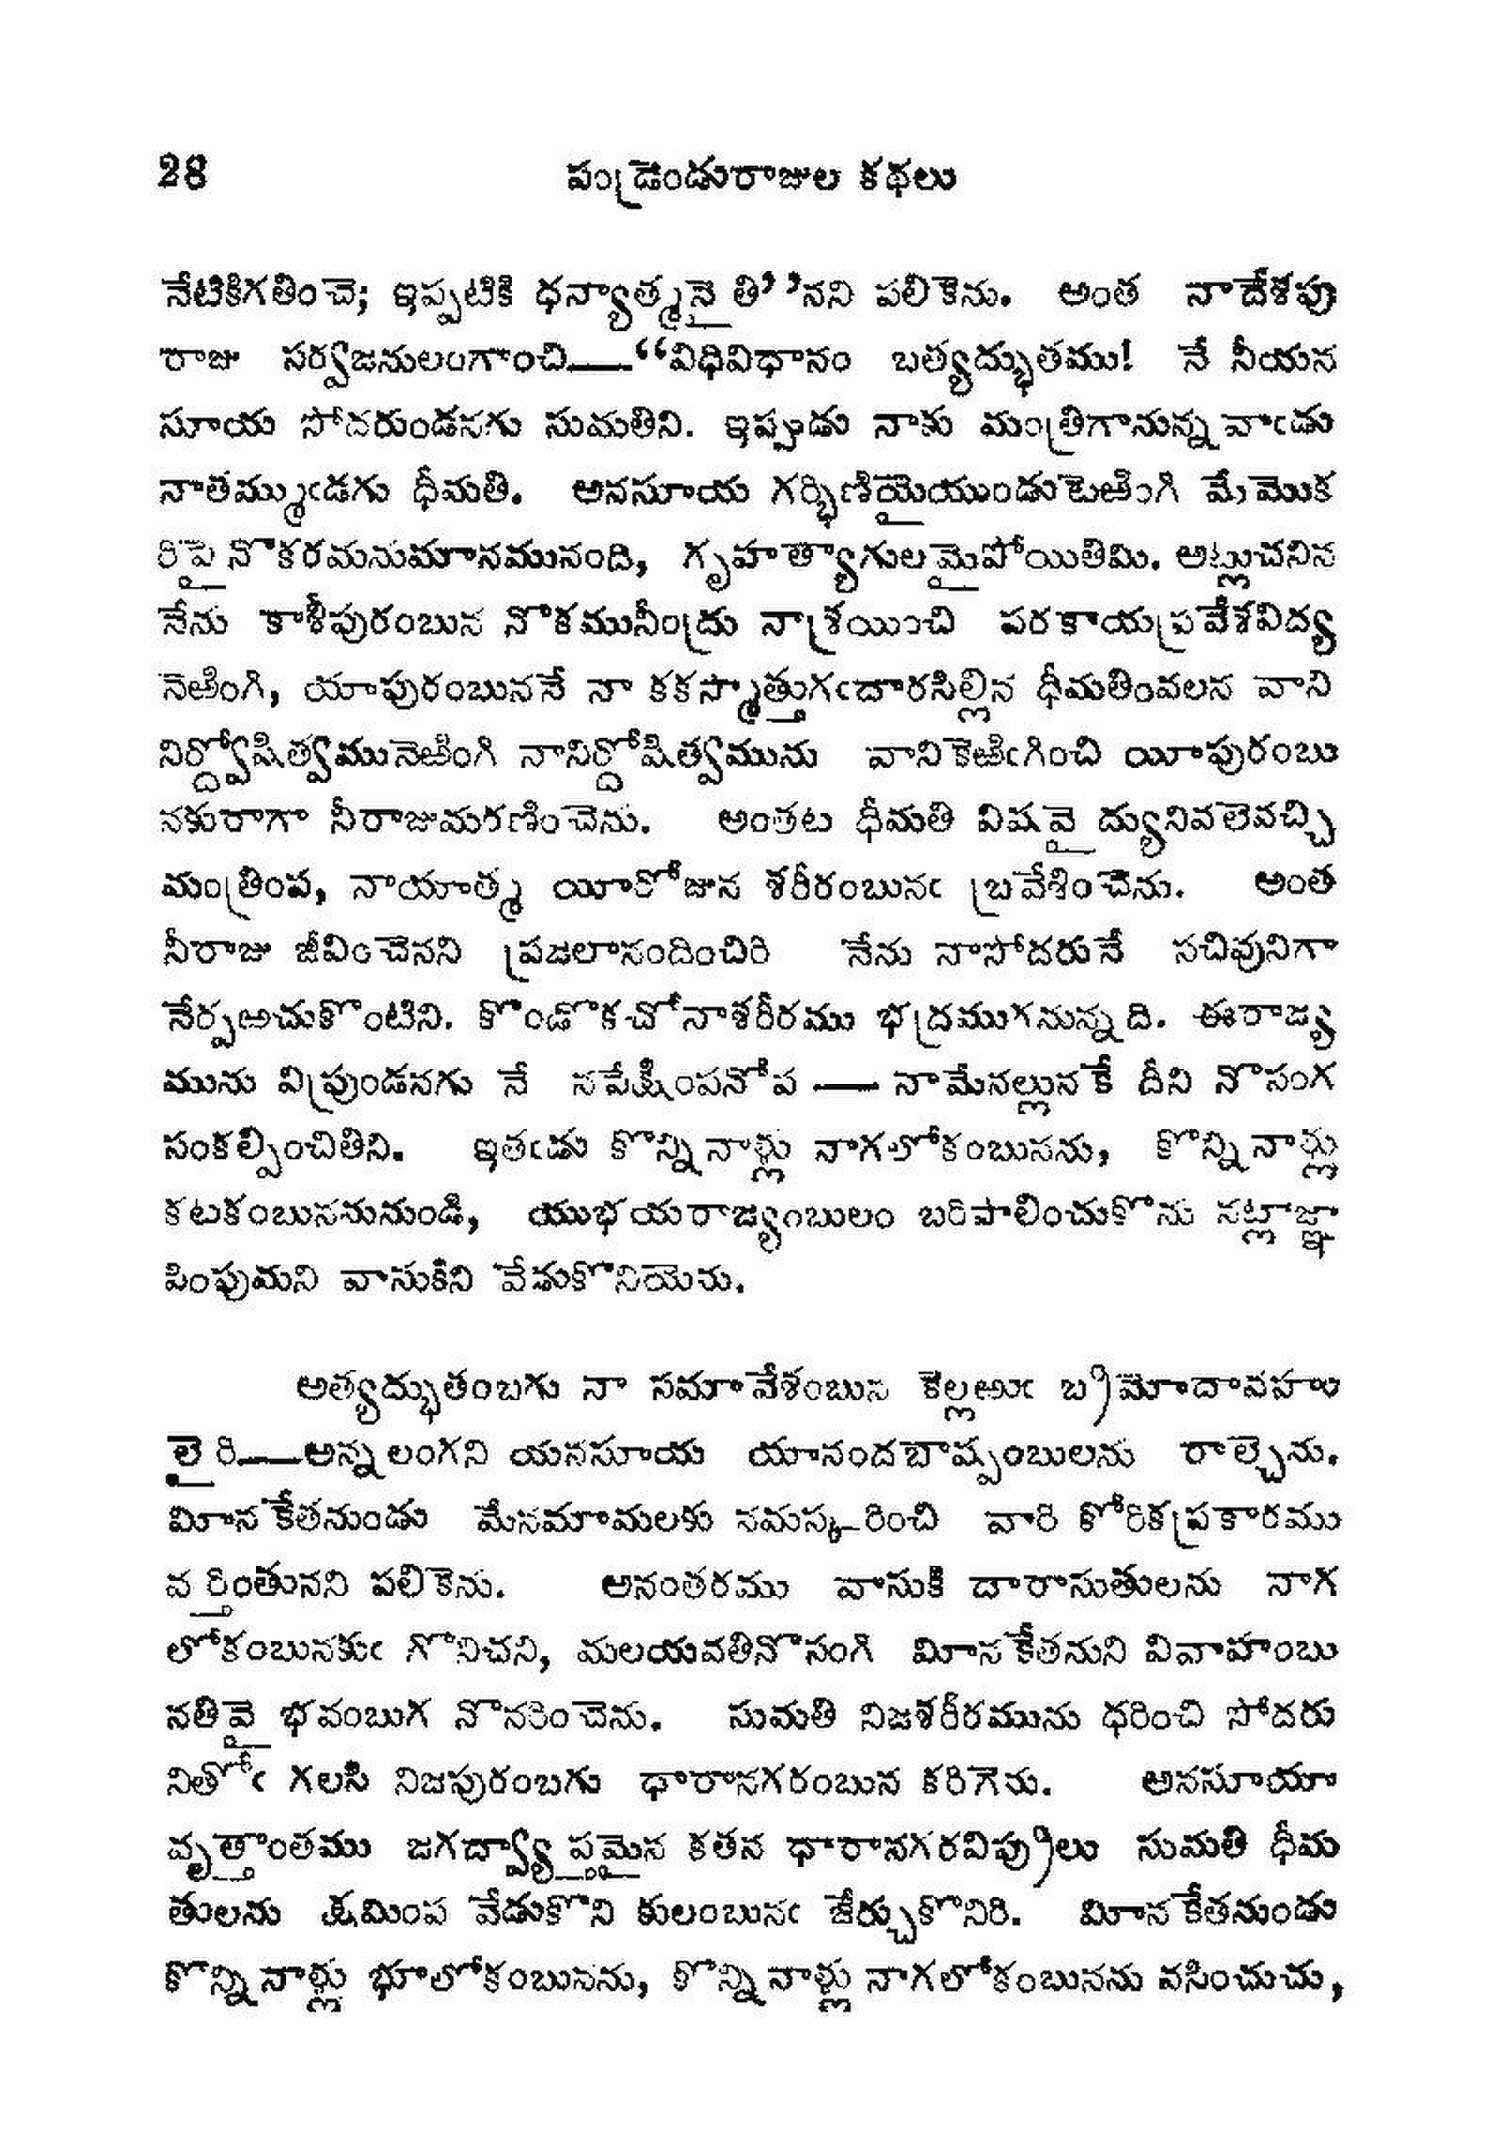నేటికిగతించె; ఇప్పటికి ధన్యాత్మనై తి" నని పలికెను. అంత నాదేశపు రాజు సర్వజనులంగాంచి——"విధివిధానం బత్యద్భుతము! నే నీయనసూయ సోదరుండనగు సుమతిని. ఇప్పుడు నాకు మంత్రిగానున్న వాఁడు నాతమ్ముఁడగు ధీమతి. అనసూయ గర్భిణియైయుండుటెఱింగి మేమొకరిపై నొకరమనుమానమునంది, గృహత్యాగులమైపోయితిమి. అట్లుచనిన
నేను కాశీపురంబున నోకమునీంద్రు నాశ్రయించి పరకాయప్రవేశవిద్య నెఱింగి, యాపురంబుననే నా కకస్మాత్తుగఁదారసిల్లిన ధీమతింవలన వాని నిర్ద్వేషిత్వము నెఱింగి నానిర్దోషిత్వమును వాని కెఱిఁగించి యీపురంబునకురాగా నీరాజు మరణించెను. అంతట ధీమతి విషవైద్యునివలెవచ్చి మంత్రింప, నాయాత్మ యీరోజున శరీరంబునఁ బ్రవేశించెను. అంత నీరాజు జీవించేనని ప్రజలానందించిరి 'నేను నాసోదరునే సచివునిగా నేర్పఱచుకొంటిని. కొండొకచోనాశరీరము భద్రముగనున్నది. ఈరాజ్యమును విప్రుండనగు నే నపేక్షింపనోవ——నామేనల్లునకే దీని నొసంగ సంకల్పించితిని. ఇతఁడు కొన్ని నాళ్లు నాగలోకంబునను, కొన్ని నాళ్లు కటకంబుననునుండి, యుభయ రాజ్యంబులం బరిపాలించుకోను నట్లాజ్జాపింపుమని వాసుకిని వేసుకొనియెను.

అత్యద్భుతంబగు నా సమావేశంబున కెల్లఱు బ్రమోదావహులైరి—— అన్న లంగని యనసూయ యానంద బాష్పంబులను రాల్చెను, మీన కేతనుండు మేనమామలకు నమస్కరించి వారి కోరిక ప్రకారము వర్తింతునని పలికెను. అనంతరము వాసుకి దారాసుతులను నాగలోకంబునకుఁ గోనిచని, మలయవతినొసంగి మీనకేతనుని వివాహంబు నతి వైభవంబుగ నొనరించెను. సుమతి నిజశరీరమును ధరించి సోదరునితో గలసి నిజపురంబగు ధారానగరంబున కరిగెను. అనసూయా వృత్తాంతము జగద్వ్యాప్తమైన కతన ధారానగరవిప్రులు సుమతి ధీమతులను క్షమింప వేడుకొని కులంబునఁ జేర్చుకొనిరి. మీనకేతనుండు
కొన్ని నాళ్లు భూలోకంబునను, కొన్ని నాళ్లు నాగలోకంబునను వసించుచు,